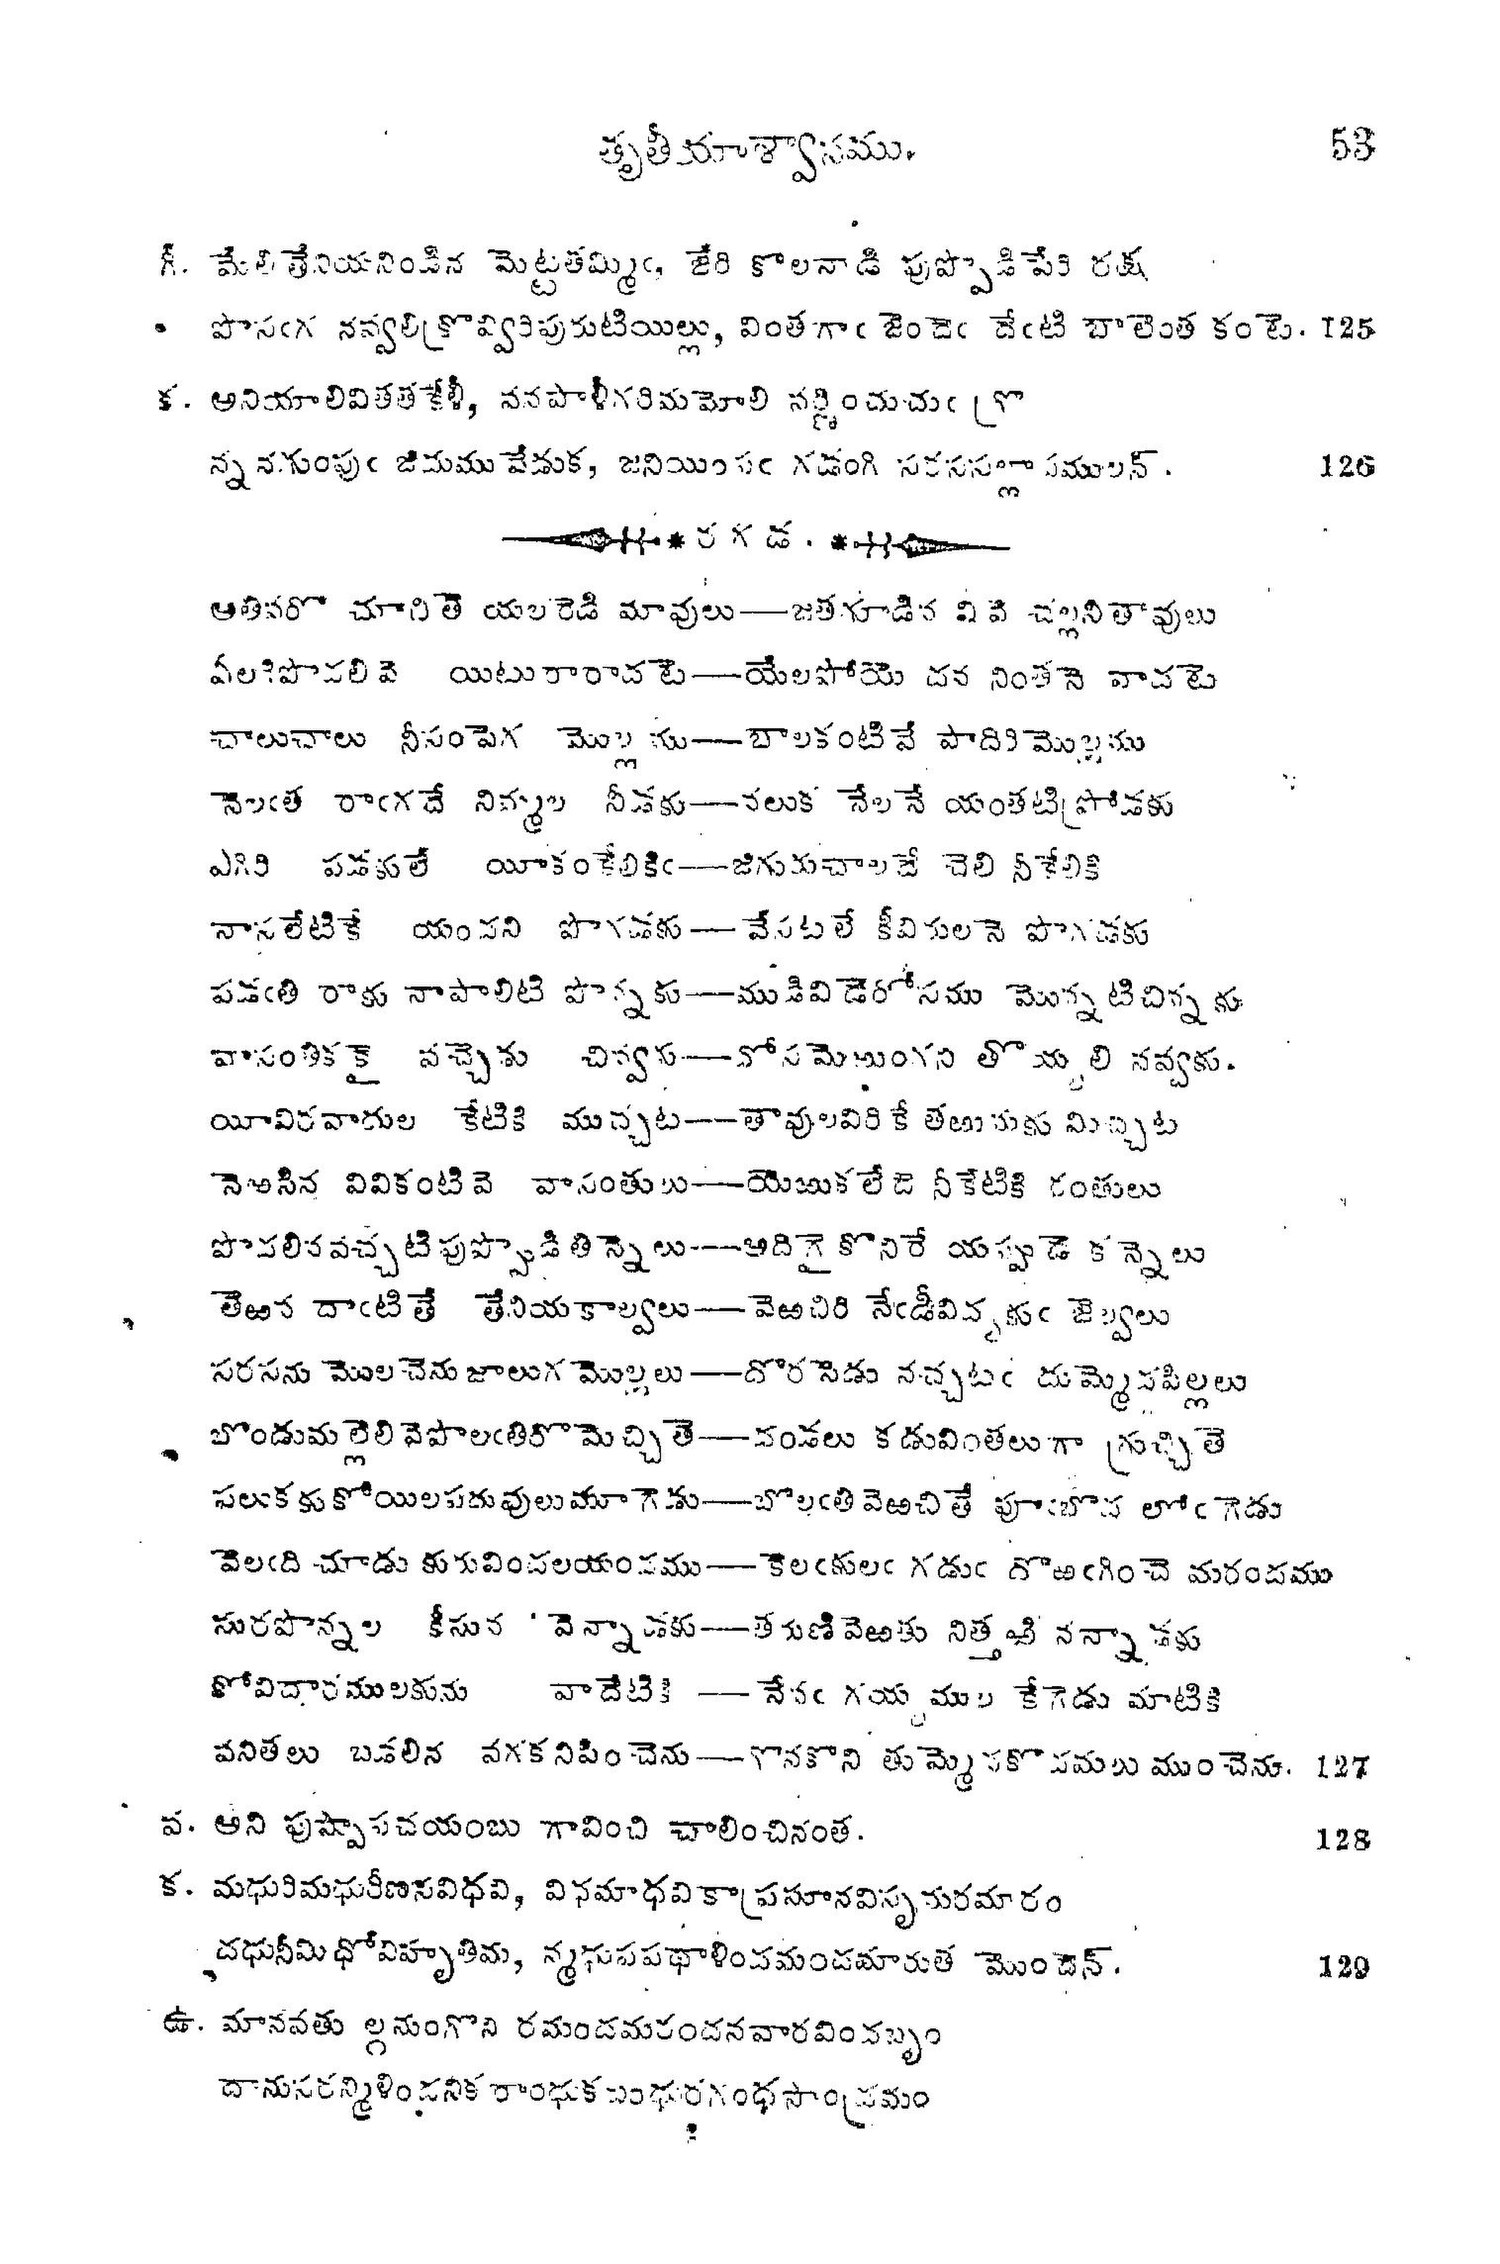గీ. మేలితేనియనిండిన మెట్టతమ్మిఁ, జేరి కొలనాడి పుప్పొడిపేరి రక్ష
పొసఁగ నవ్వలి క్రొవ్విరుపురుటియిల్లు, వింతగాఁ జెందెఁ దేఁటి బాలెంత కంటె.
క. అనియాలివితతకేళీ, వనపాళీగరిమమోలి వర్ణిచుచుఁ గ్రొ
న్ననగుంపుఁ జిదుము వేడుక, జనియింపఁ గడంగి సరససల్లాపములన్.

అతివరోొ చూచితె యలరెడి మావులు — జతకూడిన వివె చల్లనితావులు
ఏల? పొదలివె యిటు రారాదటె — యేల పోయె దన నింతనె వాదటె
చాలుచాలు నీ సంపెగ మొల్లము — బాలకంటివే పాదిరిమొల్లము
నెలఁత రాఁగదే నిమ్మల నీడకు — వలుక నేలనే యంతటి ప్రోడకు
ఎగిరి పడకులే యీకంకేలికి — జిగురు చాలదే చెలి నీ కేలికి
నాస లేటికే యందని పొగడకు — వేసట లే కీవిరులనె పొగడకు
పడఁతి రాకు నాపాలిటి పొన్నకు — ముడివిడె రోసము మొన్నటిచిన్నకు
వాసంతికకై వచ్చెడు చివ్వకు — దోస మెఱుంగని తొయ్యలి నవ్వకు
యీవిరవాదుల కేటికి ముచ్చట — తావులవిరికే తఱుమకు మిచ్చట
నెఱసిన వివి కంటివె వాసంతులు — యెఱుక లేదె నీ కేటికి రంతులు
పొదలిన వచ్చటి పుప్పొడితిన్నెలు — అది గైకొనిరే యప్పుడె కన్నెలు
తెఱవ దాఁటితే తేనియకాల్వలు — వెఱచిరి నేఁ డీవిద్యకుఁ జెల్వలు
సరసను మొలచెను జాలుగ మొల్లలు — దొరసెడు నచ్చటఁ దుమ్మెదపిల్లలు
బొండుమల్లె లివె పొలఁతిరొ మెచ్చితె — దండలు కడువింతలుగా గ్రుచ్చితె
పలుకకు కోయిలపదువులు మూగెడు — బొలఁతి వెఱచితే పూఁబొద లోఁగెడు
వెలఁది చూడు కురువిందలయందము — కెలఁకులఁ గడుఁ దొఱఁగించె మరందము
సురపొన్నల కీసున వెన్నాడకు — తరుణి వెఱతు నిత్తఱి నన్నాడకు
కోవిదారములకును వాదేటికి — నేనఁ గయ్యముల కేగెడు మాటికి
వనితలు బడలిన వగ కనిపించెను — కొనకొని తుమ్మెదకొదమలు ముంచెను.
వ. అని పుష్పాపచయంబు గావించి చాలించినంత.

క. మధురిమధురీణసవిధవి, విధమాధవికాప్రసూనవిసృమరమారం
దధునీమిధోవిహృతిమ, న్మధుపపథాళించమందమారుత మొందెన్.
ఉ. మానవతు ల్గనుంగొని రమందమరందనవారవిందబృం
దానుసరన్మిళిందనికరాంధుకబంధురగంధసాంద్రమం